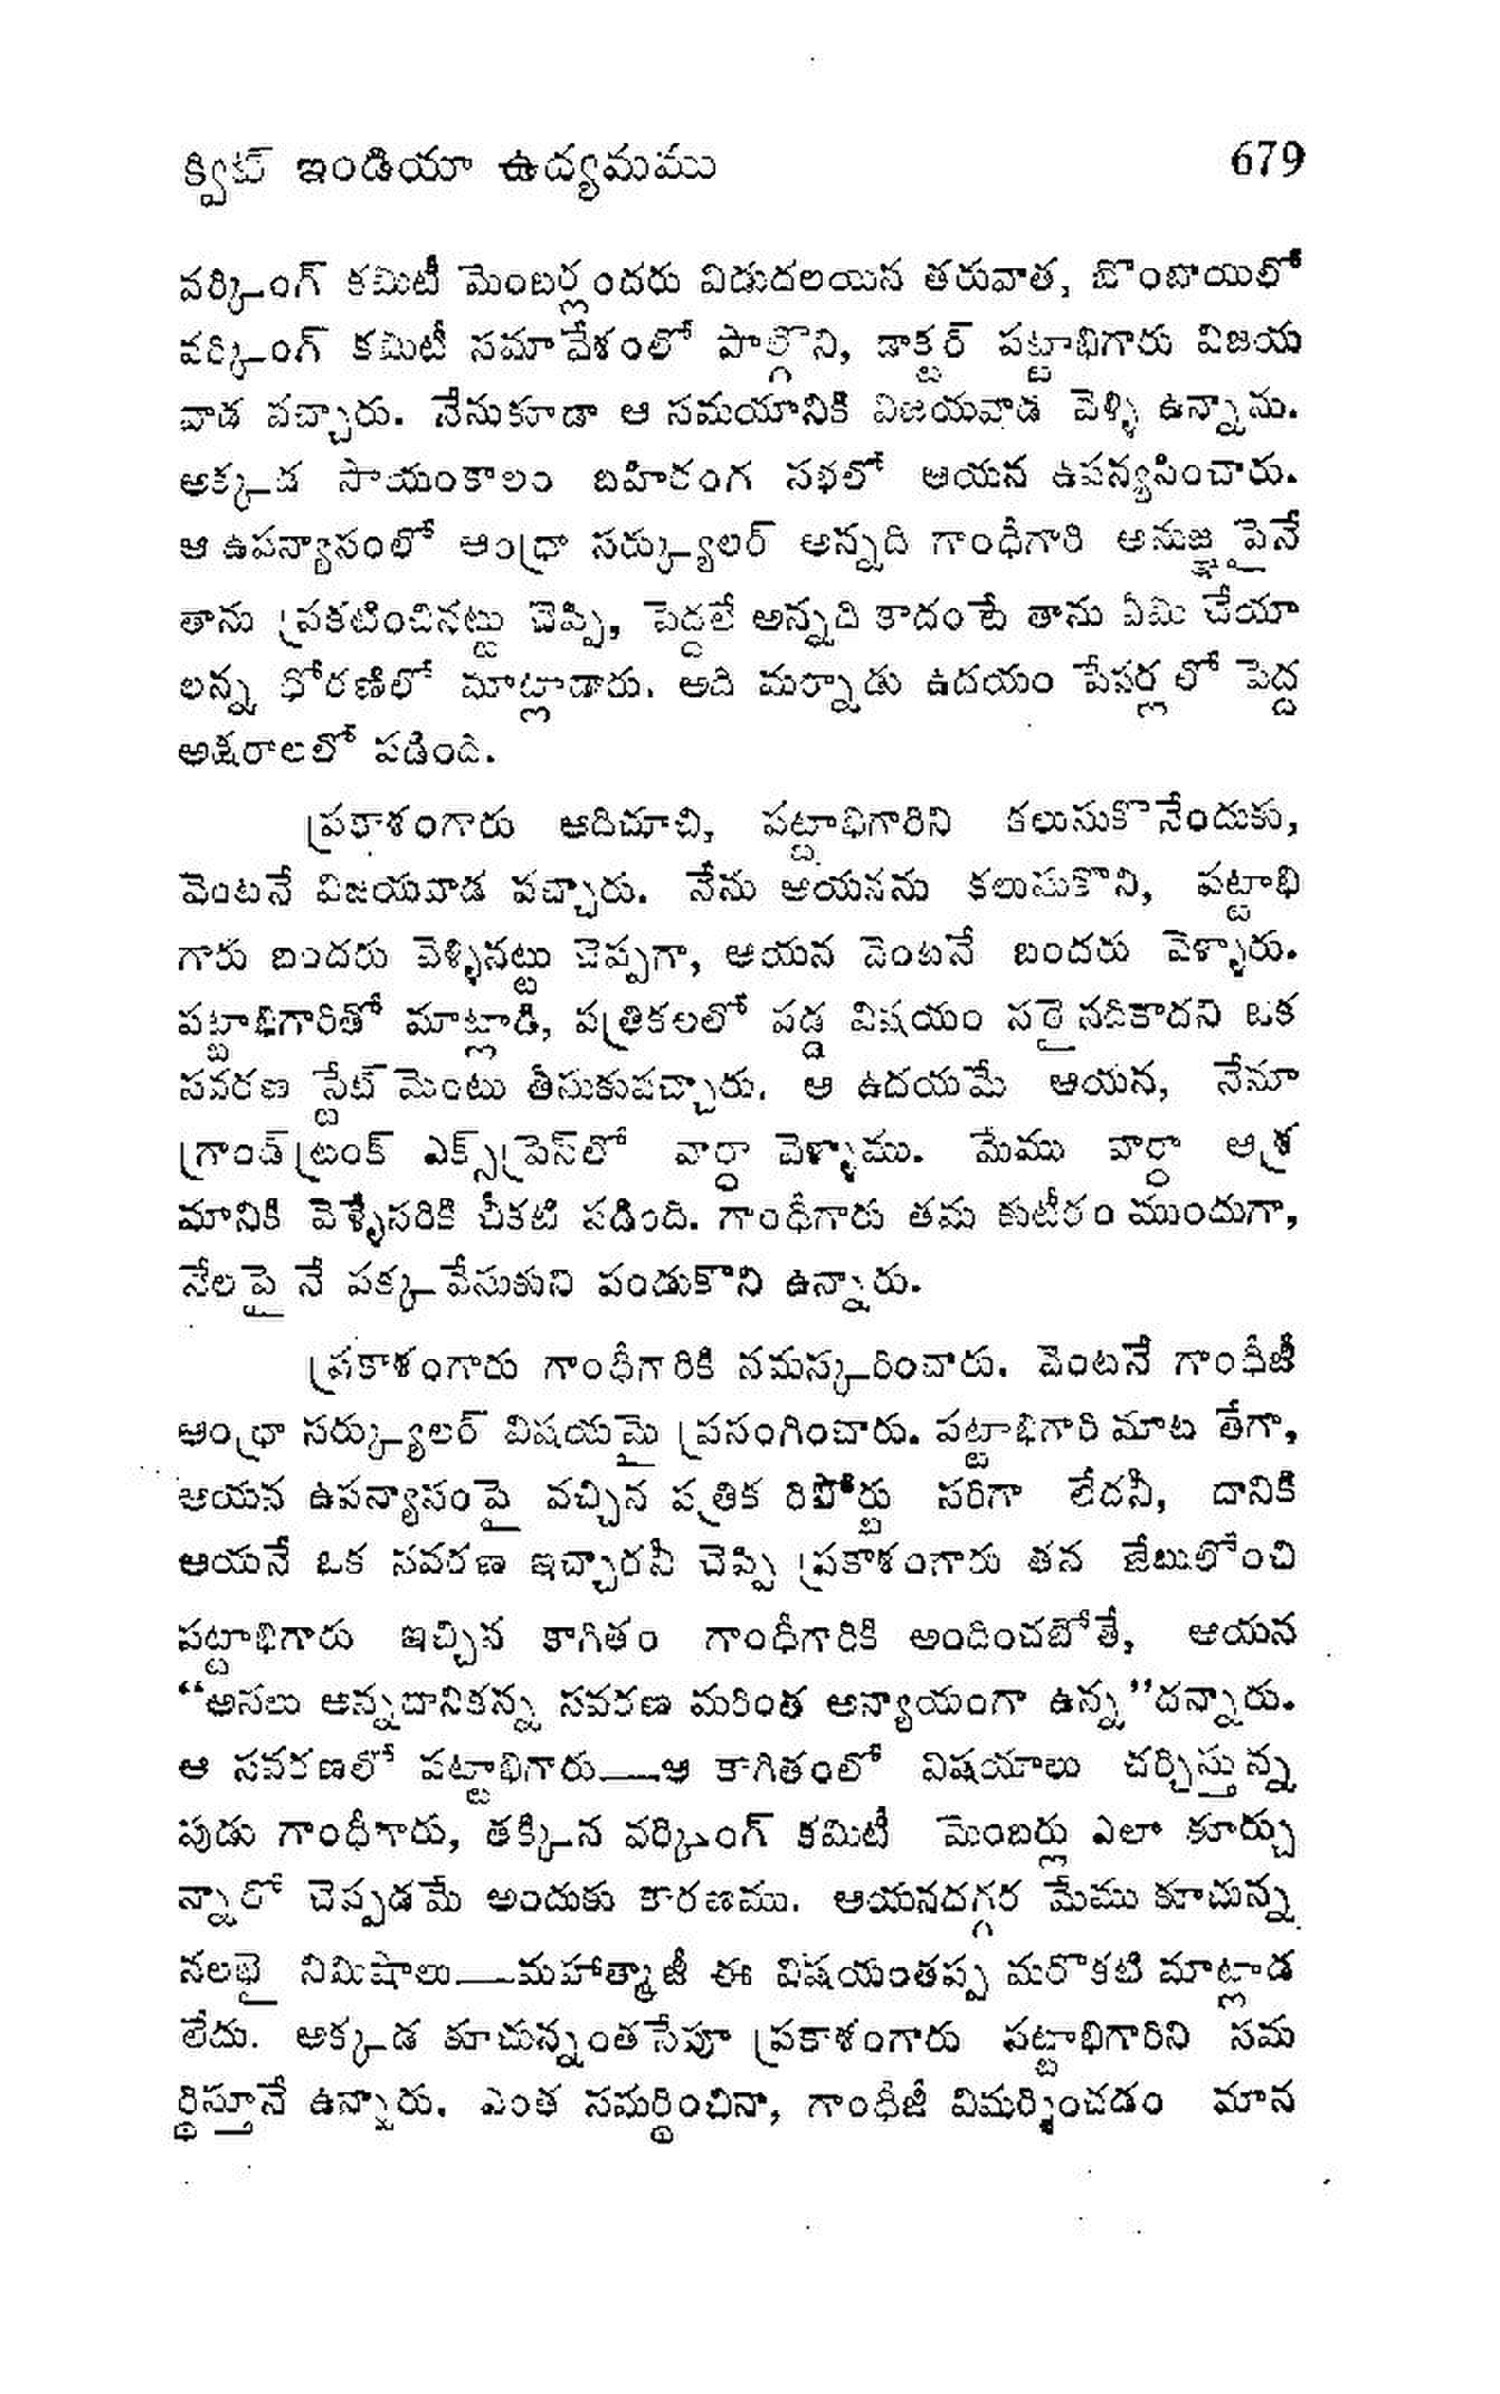వర్కింగ్ కమిటీ మెంబర్లందరు విడుదలయిన తరువాత, బొంబాయిలో వర్కింగ్ కమిటీ సమావేశంలో పాల్గొని, డాక్టర్ పట్టాభిగారు విజయవాడ వచ్చారు. నేనుకూడా ఆ సమయానికి విజయవాడ వెళ్ళి ఉన్నాను. అక్కడ సాయంకాలం బహిరంగ సభలో ఆయన ఉపన్యసించారు. ఆ ఉపన్యాసంలో ఆంధ్రా సర్క్యులర్ అన్నది గాంధీగారి అనుజ్ఞపైనే తాను ప్రకటించినట్టు చెప్పి, పెద్దలే అన్నది కాదంటే తాను ఏమి చేయాలన్న ధోరణిలో మాట్లాడారు. అది మర్నాడు ఉదయం పేపర్లలో పెద్ద అక్షరాలతో పడింది.

ప్రకాశంగారు అదిచూచి, పట్టాభిగారిని కలుసుకొనేందుకు, వెంటనే విజయవాడ వచ్చారు. నేను ఆయనను కలుసుకొని, పట్టాభిగారు బందరు వెళ్ళినట్టు చెప్పగా, ఆయన వెంటనే బందరు వెళ్ళారు. పట్టాభిగారితో మాట్లాడి, పత్రికలలో పడ్డ విషయం సరైనదికాదని ఒక సవరణ స్టేట్‌మెంటు తీసుకువచ్చారు. ఆ ఉదయమే ఆయన, నేనూ గ్రాండ్‌ట్రంక్ ఎక్స్‌ప్రెస్‌లో వార్ధా వెళ్ళాము. మేము వార్ధా ఆశ్రమానికి వెళ్ళేసరికి చీకటి పడింది. గాంధీగారు తమ కుటీరం ముందుగా, నేలపైనే పక్కవేసుకుని పండుకొని ఉన్నారు.

ప్రకాశంగారు గాంధీగారికి సమస్కరించారు. వెంటనే గాంధీజీ ఆంధ్రా సర్కులర్ విషయమై ప్రసంగించారు. పట్టాభిగారి మాట తేగా, ఆయన ఉపన్యాసంపై వచ్చిన పత్రిక రెపోర్ఘు సరిగా లేదనీ, దానికి ఆయనే ఒక సవరణ ఇచ్చారనీ చెప్పి ప్రకాశంగారు తన జేబులోంచి పట్టాభిగారు ఇచ్చిన కాగితం గాంధీగారికి అందించబోతే, ఆయన "అసలు అన్నదానికన్న సవరణ మరింత అన్యాయంగా ఉన్న"దన్నారు. ఆ సవరణలో పట్టాభిగారు - ఆ కాగితంలో విషయాలు చర్చిస్తున్నపుడు గాంధీగారు, తక్కిన వర్కింగ్ కమిటీ మెంబర్లు ఎలా కూర్చున్నారో చెప్పడమే అందుకు కారణము. ఆయనదగ్గర మేము కూచున్న నలభై నిమిషాలు - మహాత్మాజీ ఈ విషయంతప్ప మరొకటి మాట్లాడ లేదు. అక్కడ కూచున్నంతసేపూ ప్రకాశంగారు పట్టాభిగారిని సమర్థిస్తూనే ఉన్నారు. ఎంత సమర్థించినా, గాంధీజీ విమర్శించడం మాన